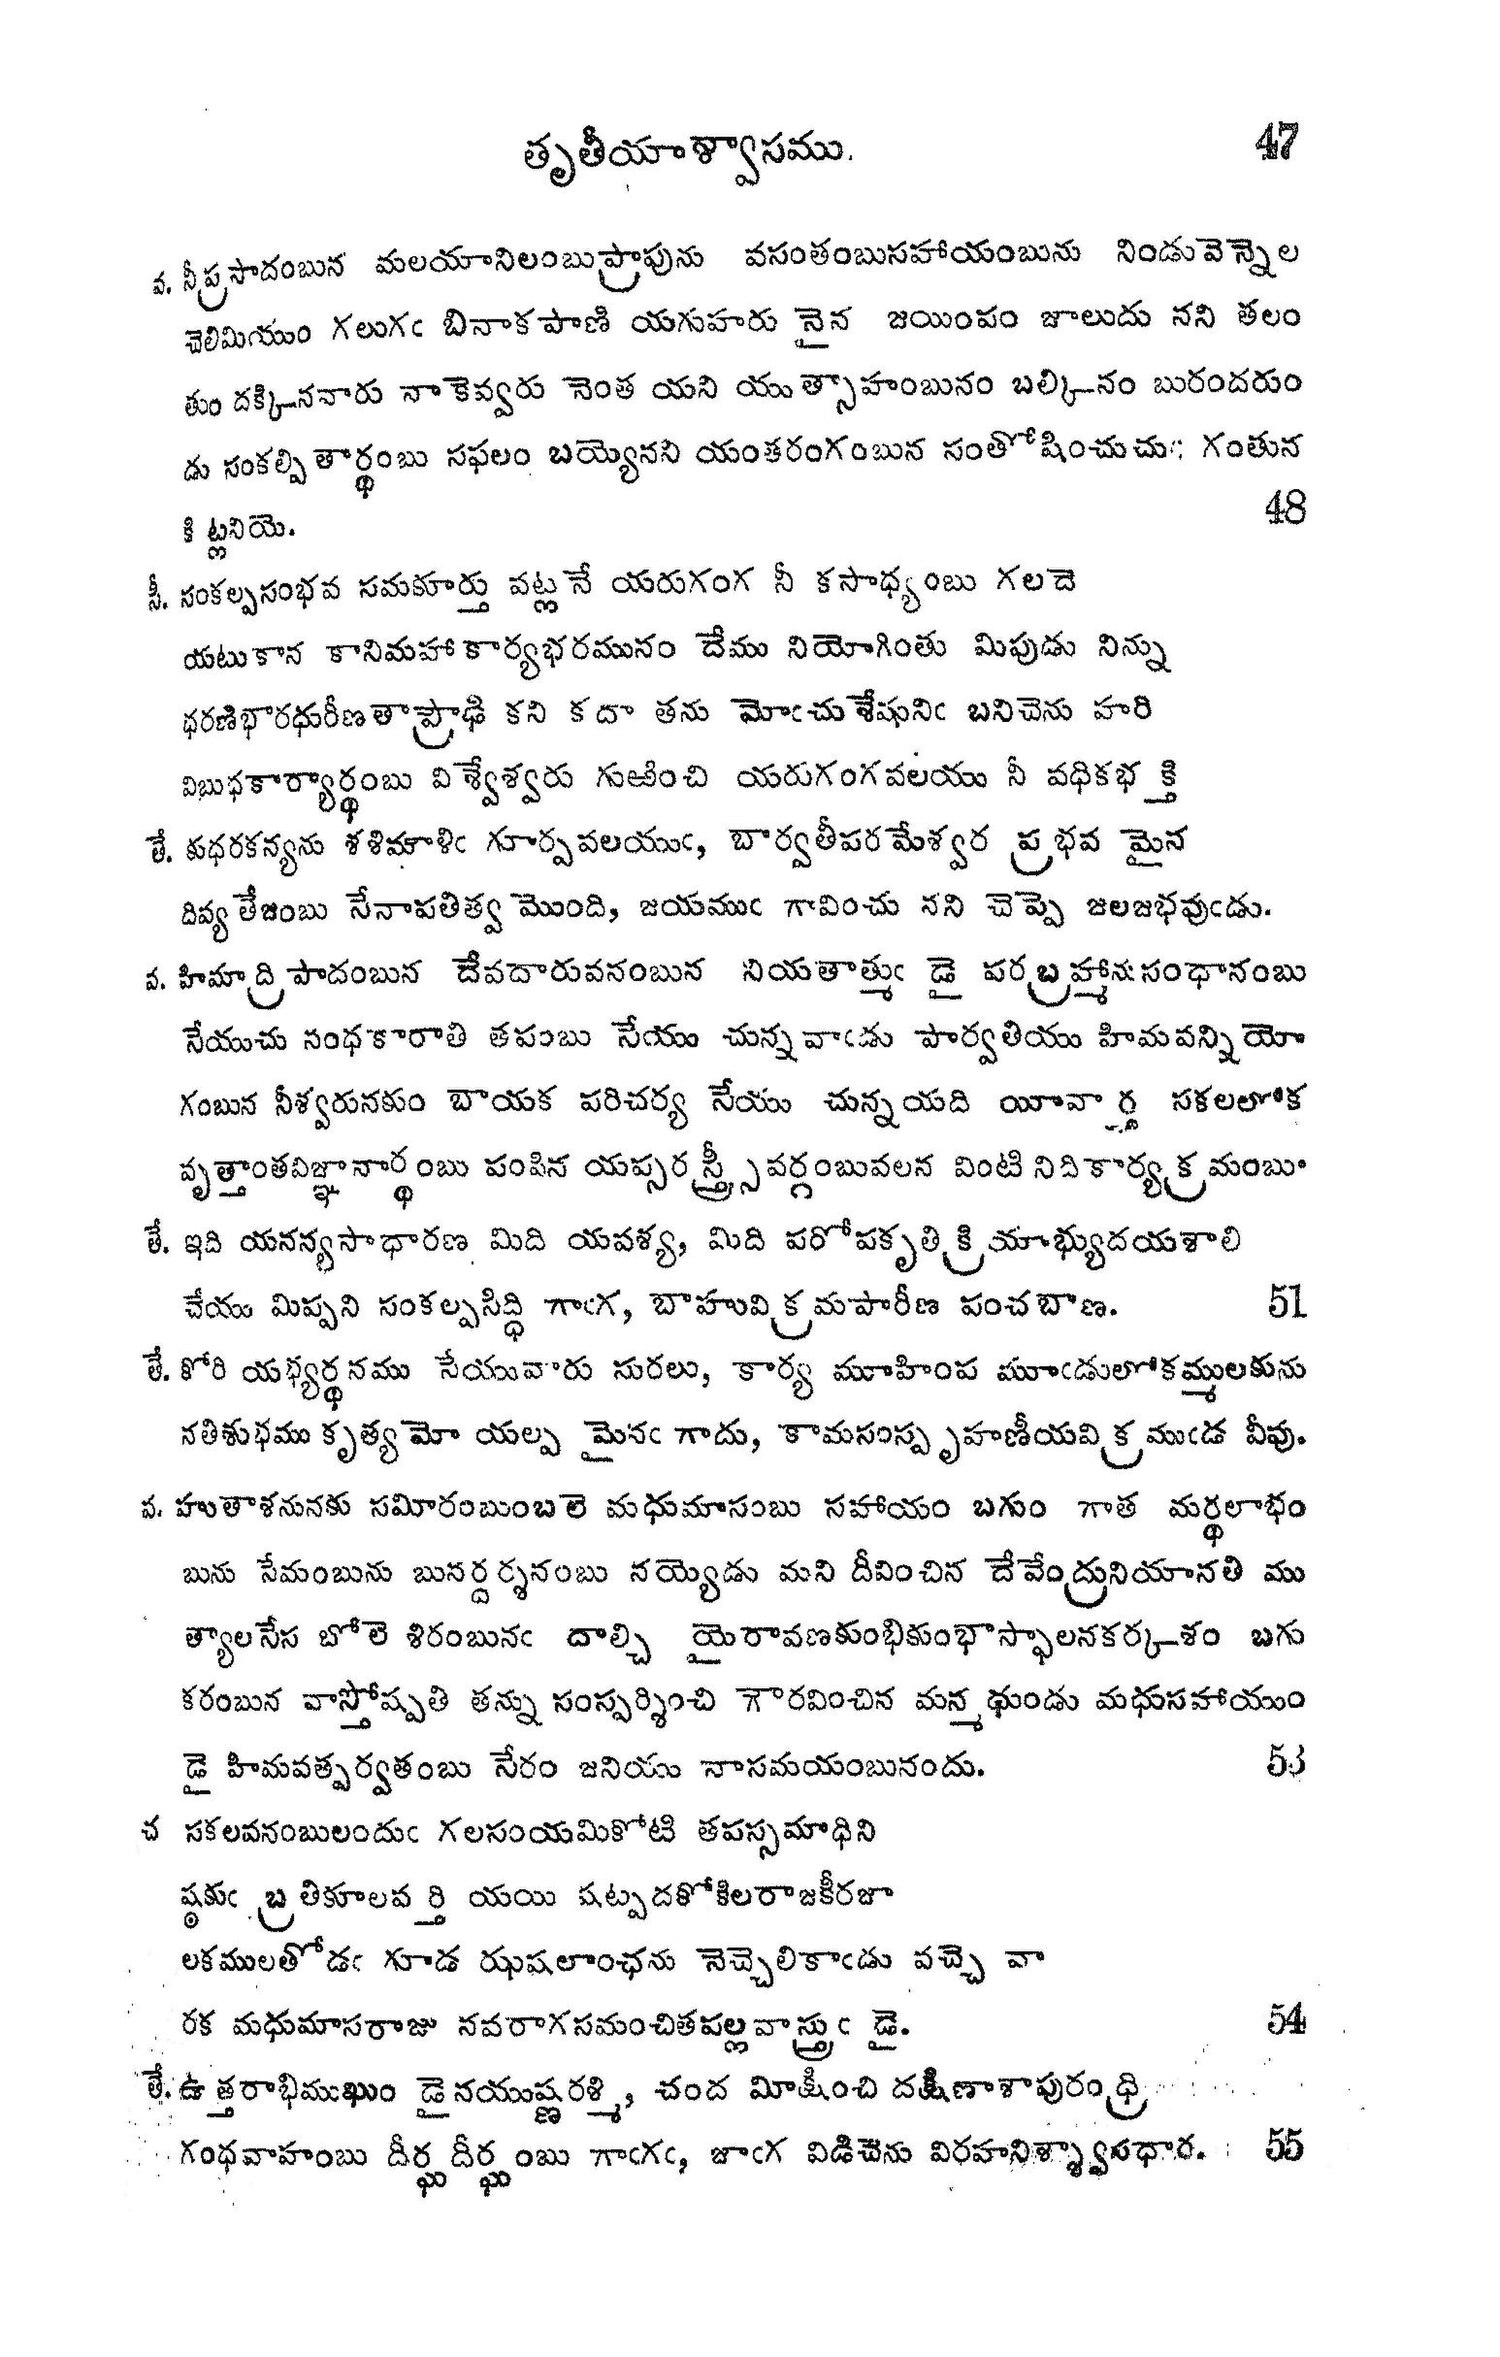వ. నీప్రసాదంబున మలయానిలంబు ప్రాపును వసంతంబుసహాయంబును నిండువెన్నెల చెలిమియుం గలుగఁ బినాకపాణి యగుహరు నైన జయింపం జాలుదు నని తలంతుం దక్కినవారు నాకెవ్వరు నెంత యని యుత్సాహంబునం బల్కినం బురందరుండు సంకల్పితార్థంబు సఫలం బయ్యెనని యంతరంగంబున సంతోషించుచుఁ గంతున కి ట్లనియె. 48

సీ. సంకల్పసంభవ సమకూర్తు వట్లనే యరుగంగ నీ కసాధ్యంబు గలదె
యటుకాన కానిమహాకార్యభరమునం దేము నియోగింతు మిపుడు నిన్ను
ధరణిభారధురీణతాప్రౌఢి కని కదా తను మోఁచు శేషునిఁ బనిచెను హరి
విబుధకార్యార్థంబు విశ్వేశ్వరు గుఱించి యరుగంగవలయు నీ వధికభక్తి
తే. కుధరకన్యను శశిమౌళిఁ గూర్పవలయుఁ, బార్వతీపరమేశ్వర ప్రభవ మైన
దివ్యతేజంబు సేనాపతిత్వ మొంది, జయముఁ గావించు నని చెప్పె జలజభవుఁడు. 49

వ. హిమాద్రిపాదంబున దేవదారువనంబున నియతాత్ముఁ డై పరబ్రహ్మానుసంధానంబు సేయుచు నంధకారాతి తపంబు సేయుచున్నవాఁడు పార్వతియు హిమవన్నియోగంబున నీశ్వరునకుం బాయక పరిచర్య సేయుచున్నయది యీవార్త సకలలోకవృత్తాంతవిజ్ఞానార్థంబు పంపిన యప్సరస్త్రీవర్గంబువలన వింటి నిది కార్య క్రమంబు. 50

తే. ఇది యనన్య సాధారణ మిది యవశ్య, మిది పరోపకృతిక్రియాభ్యుదయశాలి
చేయు మిప్పని సంకల్పసిద్ధి గాఁగ, బాహువిక్రమపారీణ పంచబాణ. 51

తే. కోరి యభ్యర్థనము సేయువారు సురలు, కార్య మూహింప మూఁడులోకమ్ములకును
నతిశుభము కృత్యమో యల్ప మైనఁ గాదు, కామసంస్పృహణీయవిక్రముఁడ వీవు. 52

వ. హుతాశనునకు సమీరంబుంబలె మధుమాసంబు సహాయం బగుం గాత మర్థలాభంబును సేమంబును బునర్దర్శనంబు నయ్యెడు మని దీవించిన దేవేంద్రునియానతి ముత్యాలసేసబోలె శిరంబునఁ దాల్చి యైరావణకుంభికుంభాస్ఫాలనకర్కశం బగు కరంబున వాస్తోష్పతి తన్ను సంస్పర్శించి గౌరవించిన మన్మథుండు మధుసహాయుండై హిమవత్పర్వతంబు సేరం జనియు నాసమయంబునందు. 53

చ. సకలవనంబులందుఁ గలసంయమికోటి తపస్సమాధిని
స్ఠకుఁ బ్రతికూలవర్తి యయి షట్పదకోకిలరాజకీరజా
లకములతోడఁ గూడ ఝషలాంఛను నెచ్చెలికాఁడు వచ్చె వా
రక మధుమాసరాజు నవరాగసమంచితపల్లవాస్త్రుఁడై. 54

తే. ఉత్తరాభిముఖుం డైనయుష్ణరశ్మి, చంద మీక్షించి దక్షిణాశాపురంధ్రి
గంధవాహంబు దీర్ఘదీర్ఘంబు గాఁగఁ, జాఁగ విడిచెను విరహనిశ్శ్వాసధార. 55